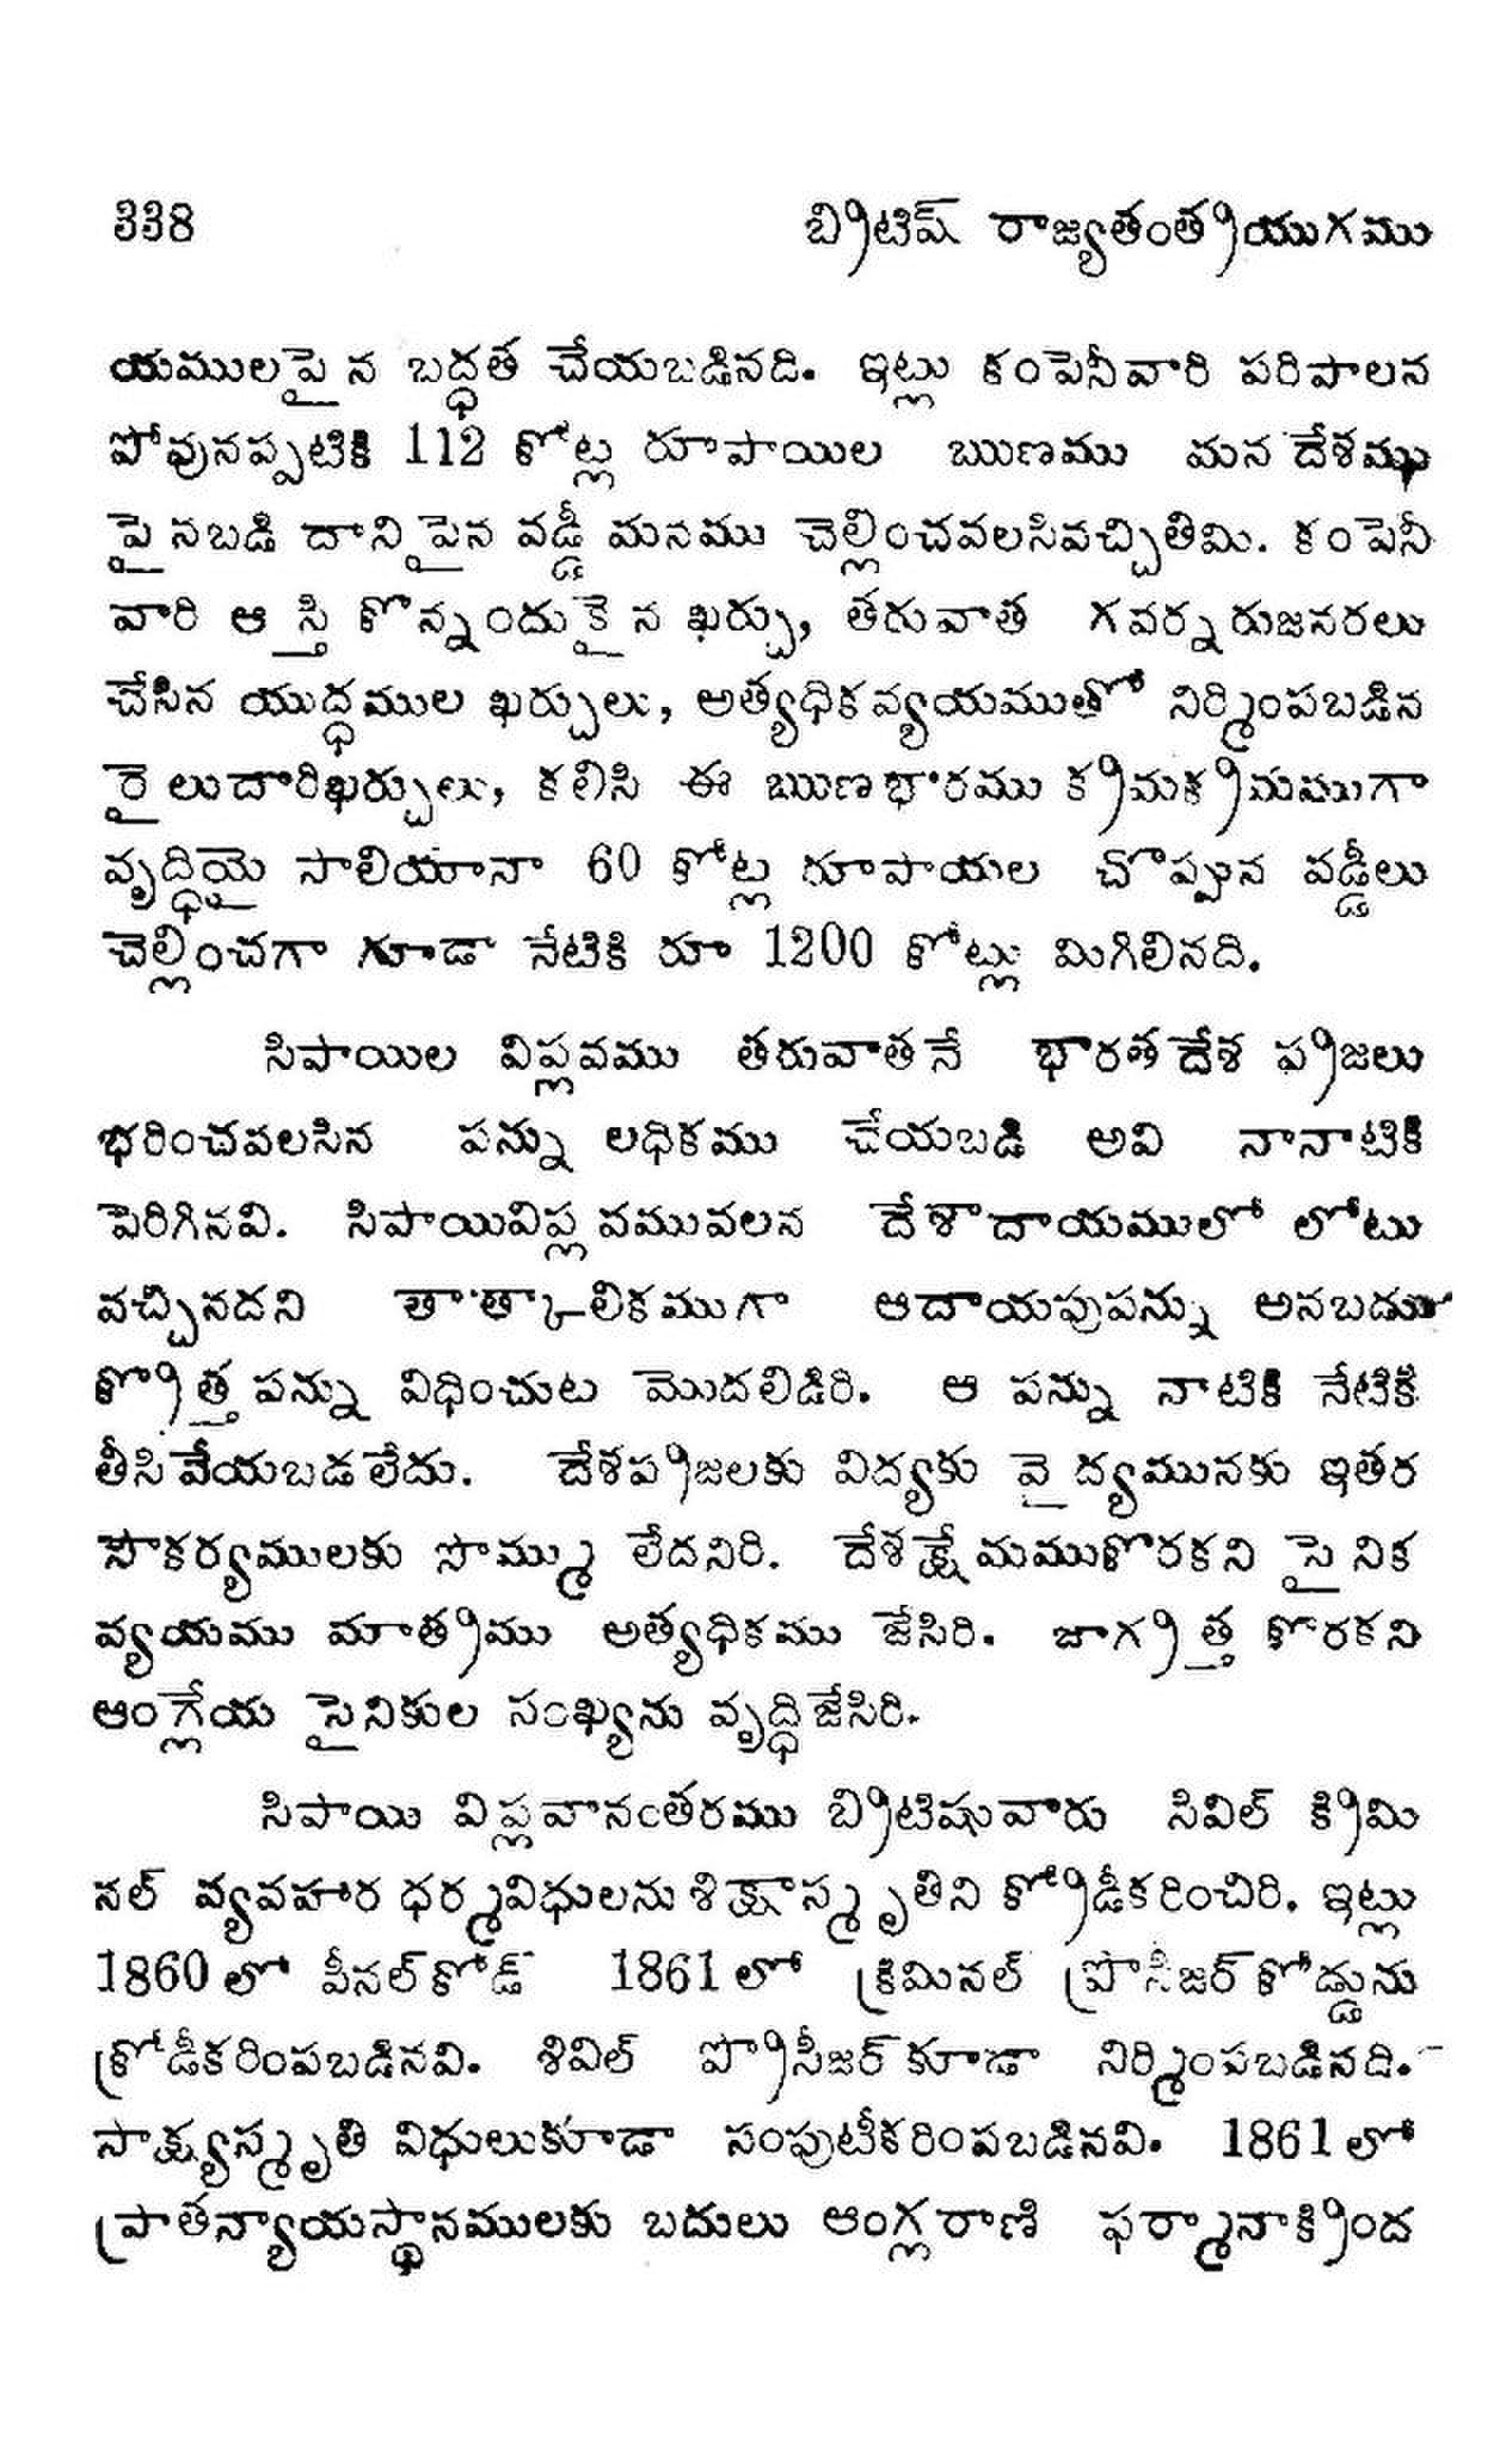యములపైన బద్దత చేయబడినది. ఇట్లు కంపెనీవారి పరిపాలన పోవునప్పటికి 112 కోట్ల రూపాయిల ఋణము మన దేశముపైనబడి దానిపైన వడ్డీ మనము చెల్లించవలసివచ్చితిమి. కంపెనీవారి ఆస్తి కొన్నందుకైన ఖర్చు, తరువాత గవర్నరుజనరలు చేసిన యుద్దముల ఖర్చులు, అత్యధికవ్యయముతో నిర్మింపబడిన రైలుదారిఖర్చులు, కలిసి ఈ ఋణభారము క్రమక్రమముగా వృద్దియై సాలియానా 60 కోట్ల రూపాయల చొప్పున వడ్డీలు చెల్లించగా గూడా నేటికి రూ 1200 కోట్లు మిగిలినది.

సిపాయిల విప్లవము తరువాతనే భారతదేశ ప్రజలు భరించవలసిన పన్ను లధికము చేయబడి అవి నానాటికి పెరిగినవి. సిపాయివిప్లవమువలన దేశాదాయములో లోటు వచ్చినదని తాత్కాలికముగా ఆదాయపుపన్ను అనబడు క్రొత్తపన్ను విధించుట మొదలిడిరి. ఆ పన్ను నాటికి నేటికీ తీసివేయబడలేదు. దేశప్రజలకు విద్యకు వైద్యమునకు ఇతర సౌకర్యములకు సొమ్ము లేదనిరి. దేశక్షేమముకొరకని సైనికవ్యయము మాత్రము అత్యధికము జేసిరి. జాగ్రత్త కొరకని ఆంగ్లేయ సైనికుల సంఖ్యను వృద్ధిజేసిరి.

సిపాయి విప్లవానంతరము బ్రిటిషువారు సివిల్ క్రిమినల్ వ్యవహార ధర్మవిధులను శిక్షాస్మృతిని క్రోడీకరించిరి. ఇట్లు 1860 లో పీనల్‌కోడ్ 1861 లో క్రిమినల్ ప్రొసీజర్ కోడ్డును క్రోడీకరింపబడినవి. శివిల్ ప్రొసీజర్‌కూడా నిర్మింపబడినది. సాక్ష్యస్మృతి విధులుకూడా సంపుటీకరింపబడినవి. 1861 లో ప్రాతన్యాయస్థానములకు బదులు ఆంగ్లరాణి ఫర్మానాక్రింద